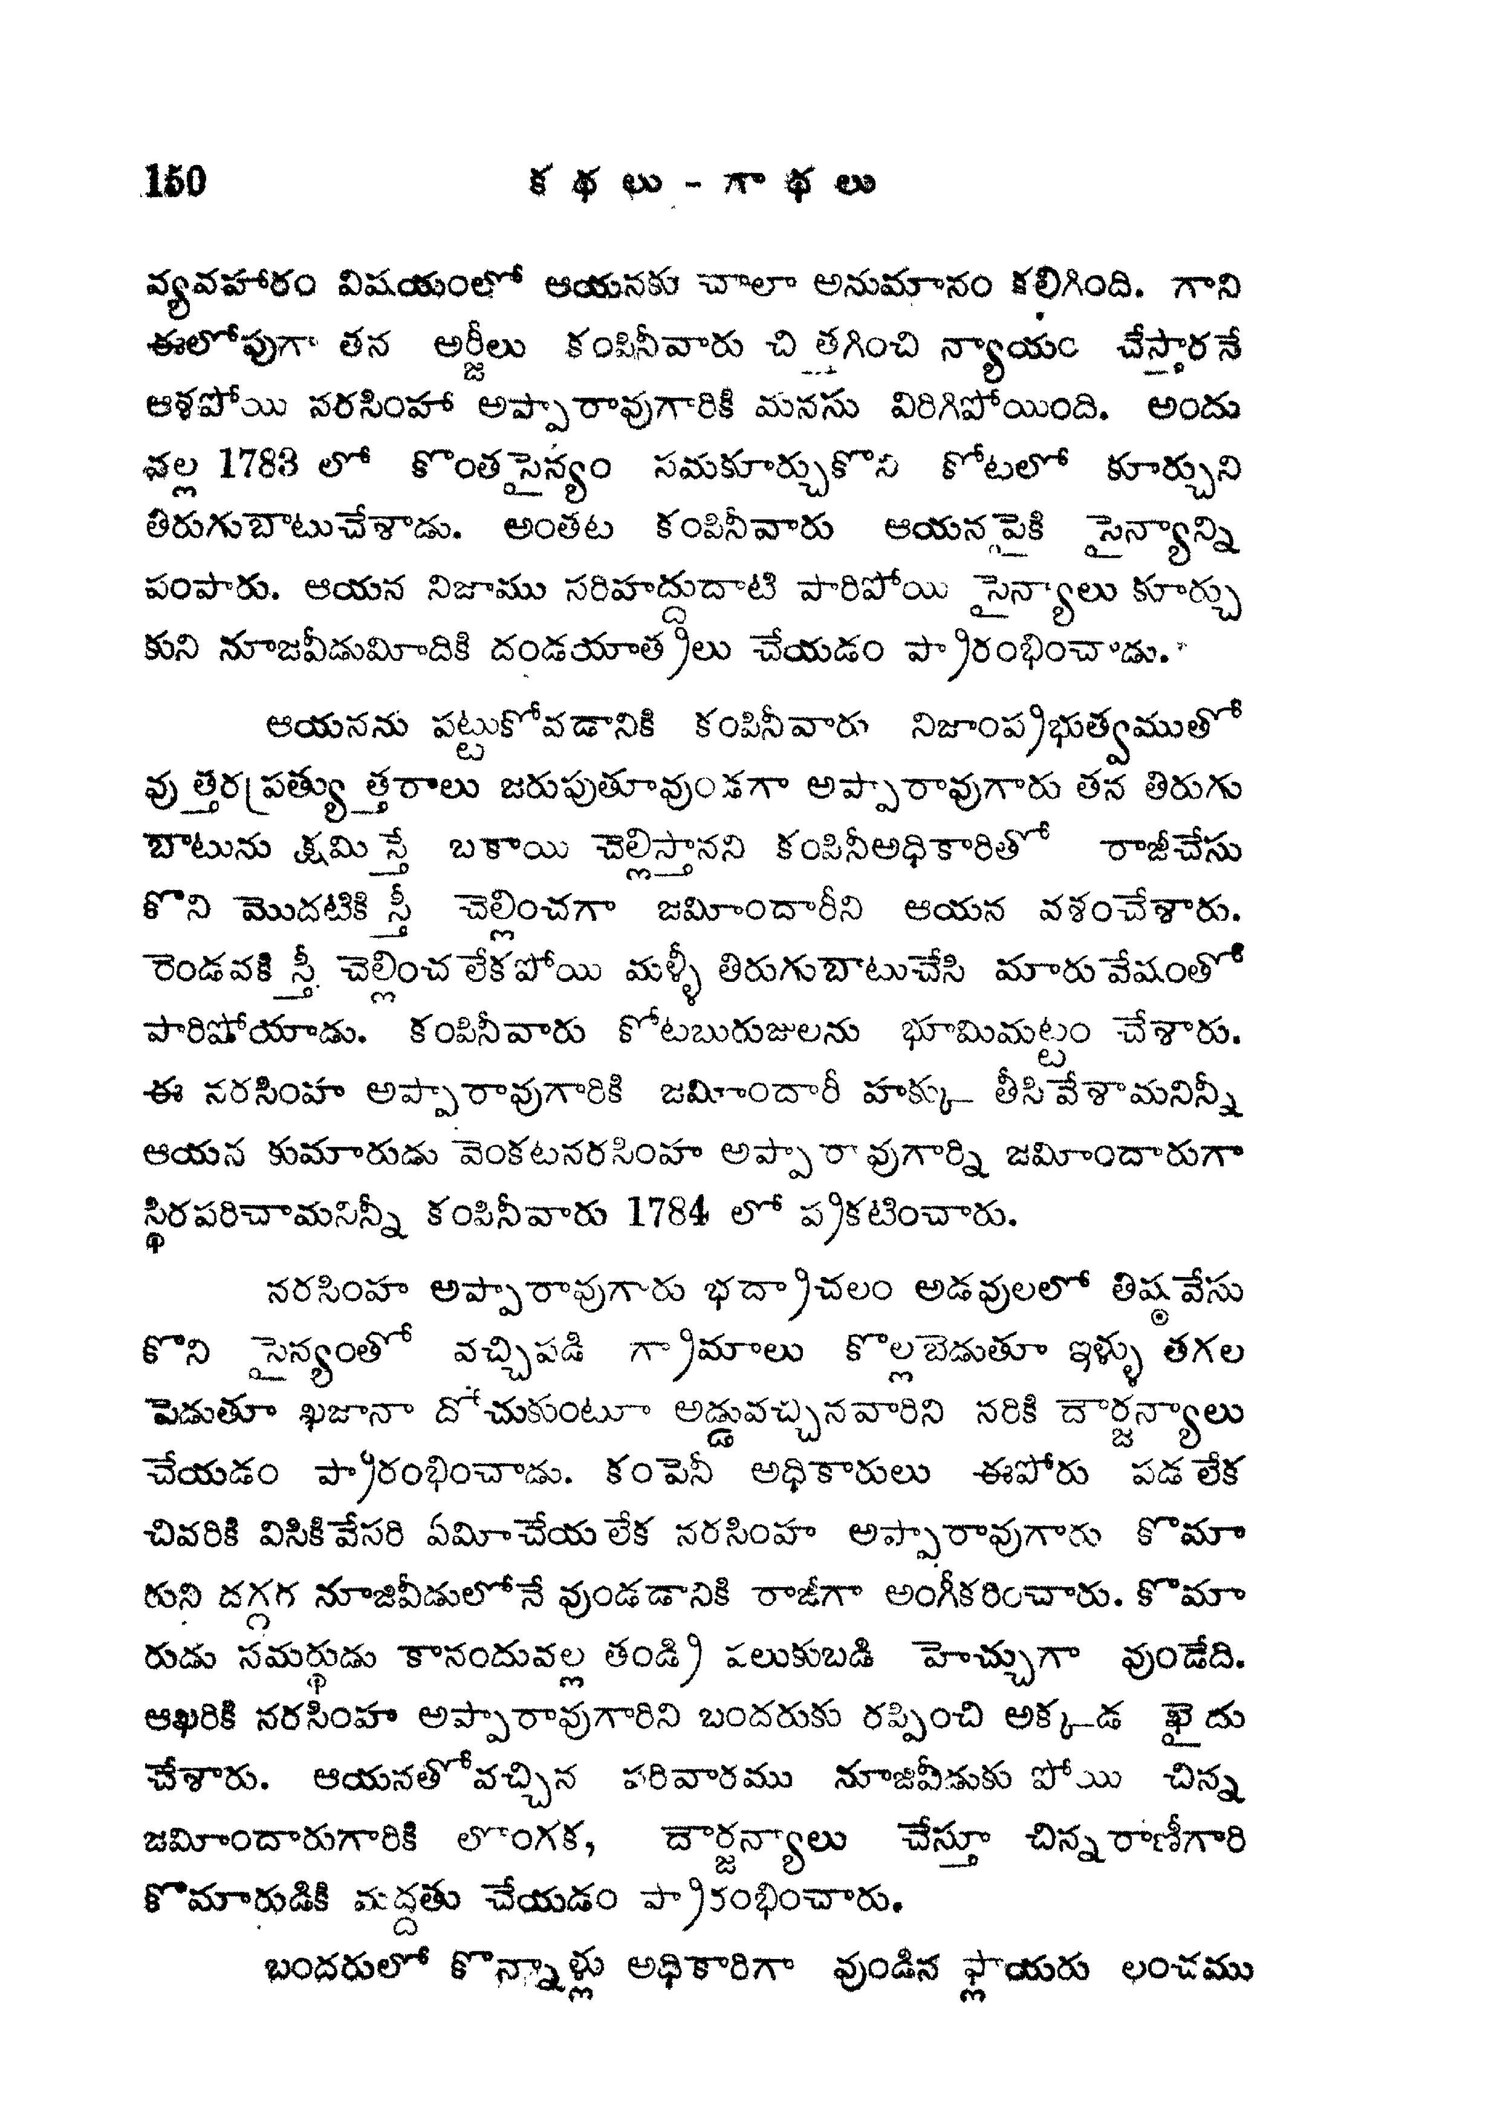వ్యవహారం విషయంలో ఆయనకు చాలా అనుమానం కలిగింది. గాని ఈలోపుగా తన అర్జీలు కంపెనీవారు చిత్తగించి న్యాయం చేస్తారనే ఆశపోయి నరసింహా అప్పారావుగారికి మనసు విరిగిపోయినది. అందువల్ల 1783 లో కొంతసైన్యం సమకూర్చుకొని కోటలో కూర్చుని తిరుగుబాటుచేశారు. అంతట కంపెనీవారు ఆయనపైకి సైన్యాన్ని పంపారు. ఆయన నిజాము సరిహద్దుదాటి పారిపోయి సైన్యాలు కూర్చుకుని నూజివీడుమీదికి దండయాత్రలు చేయడం ప్రారంభించాడు. 

ఆయనను పట్టుకోవడానికి కంపినీవారు నిజాంప్రభుత్వముతో వుత్తరప్రత్త్యుత్తరాలు జరుపుతూవుండగా అప్పారావుగారు తన తిరుగుబాటును క్షమిస్తే బకాయి చెల్లిస్తానని కంపినీఅధికారులతో రాజీచేసుకొని మొదటికిస్తీ చెల్లించగా జమీందారీని ఆయన వశంచేశారు. రెండవకిస్తీ చెల్లించలేకపోయి మళ్లీ తిరుగుబాటు చేసి మారువేషంతో పారిపోయాడు. కంపినీవారు కోటబురుజులను భూమిమట్టం చేశారు. ఈ నరసింహ అప్పారావుగారికి జమీందారీ హక్కు తీసివేశామనిన్నీ ఆయన కుమారుడు వెంకటనరసింహ అప్పారావుగార్ని జమీందారుగ స్థిరపరిచామనిన్నీ కంపినీవారు 1784 లో ప్రకటించారు.

నరసింహ అప్పారావుగారు భద్రాచలం అడవులలో తిష్ఠవేసుకొని సైన్యంతో వచ్చిపడి గ్రామాలు కొల్లబెడుతూ ఇళ్ళు తగల పెడుతూ ఖజానా దోచుకుంటూ అడ్దువచ్చినవారిని నరికి దౌర్జన్యాలు చేయడం ప్రారంభించాడు. కంపెనీ అధికారులు ఈపోరు పడలేక చివరికి విసిగివేసరి ఏమీచేయలేక నరసింహ అప్పారావుగారు కొమారుని దగ్గర నూజివీడులోనే వుండడానికి రాజీగా అంగీకరించారు. కొమారుడు సమర్ధుడు కానందువల్ల తండ్రి పలుకుబడి హెచ్చుగా వుండేది. ఆఖరికి నరసింహ అప్పారావుగారిని బందరుకు రప్పించి అక్కడ ఖైదు చేశారు. ఆయనతోవచ్చిన పరివారము నూజివీడుకు పోయి చిన్న జమీందారుగారికి లొంగక, దౌర్జన్యాలు చేస్తూ చినరాణీగారి కొమారుడికి మద్దతు చేయడం ప్రారంభించారు.

బందరులో కొన్నాళ్లు అధికారిగా వుండిన ఫ్లాయరు లంచము